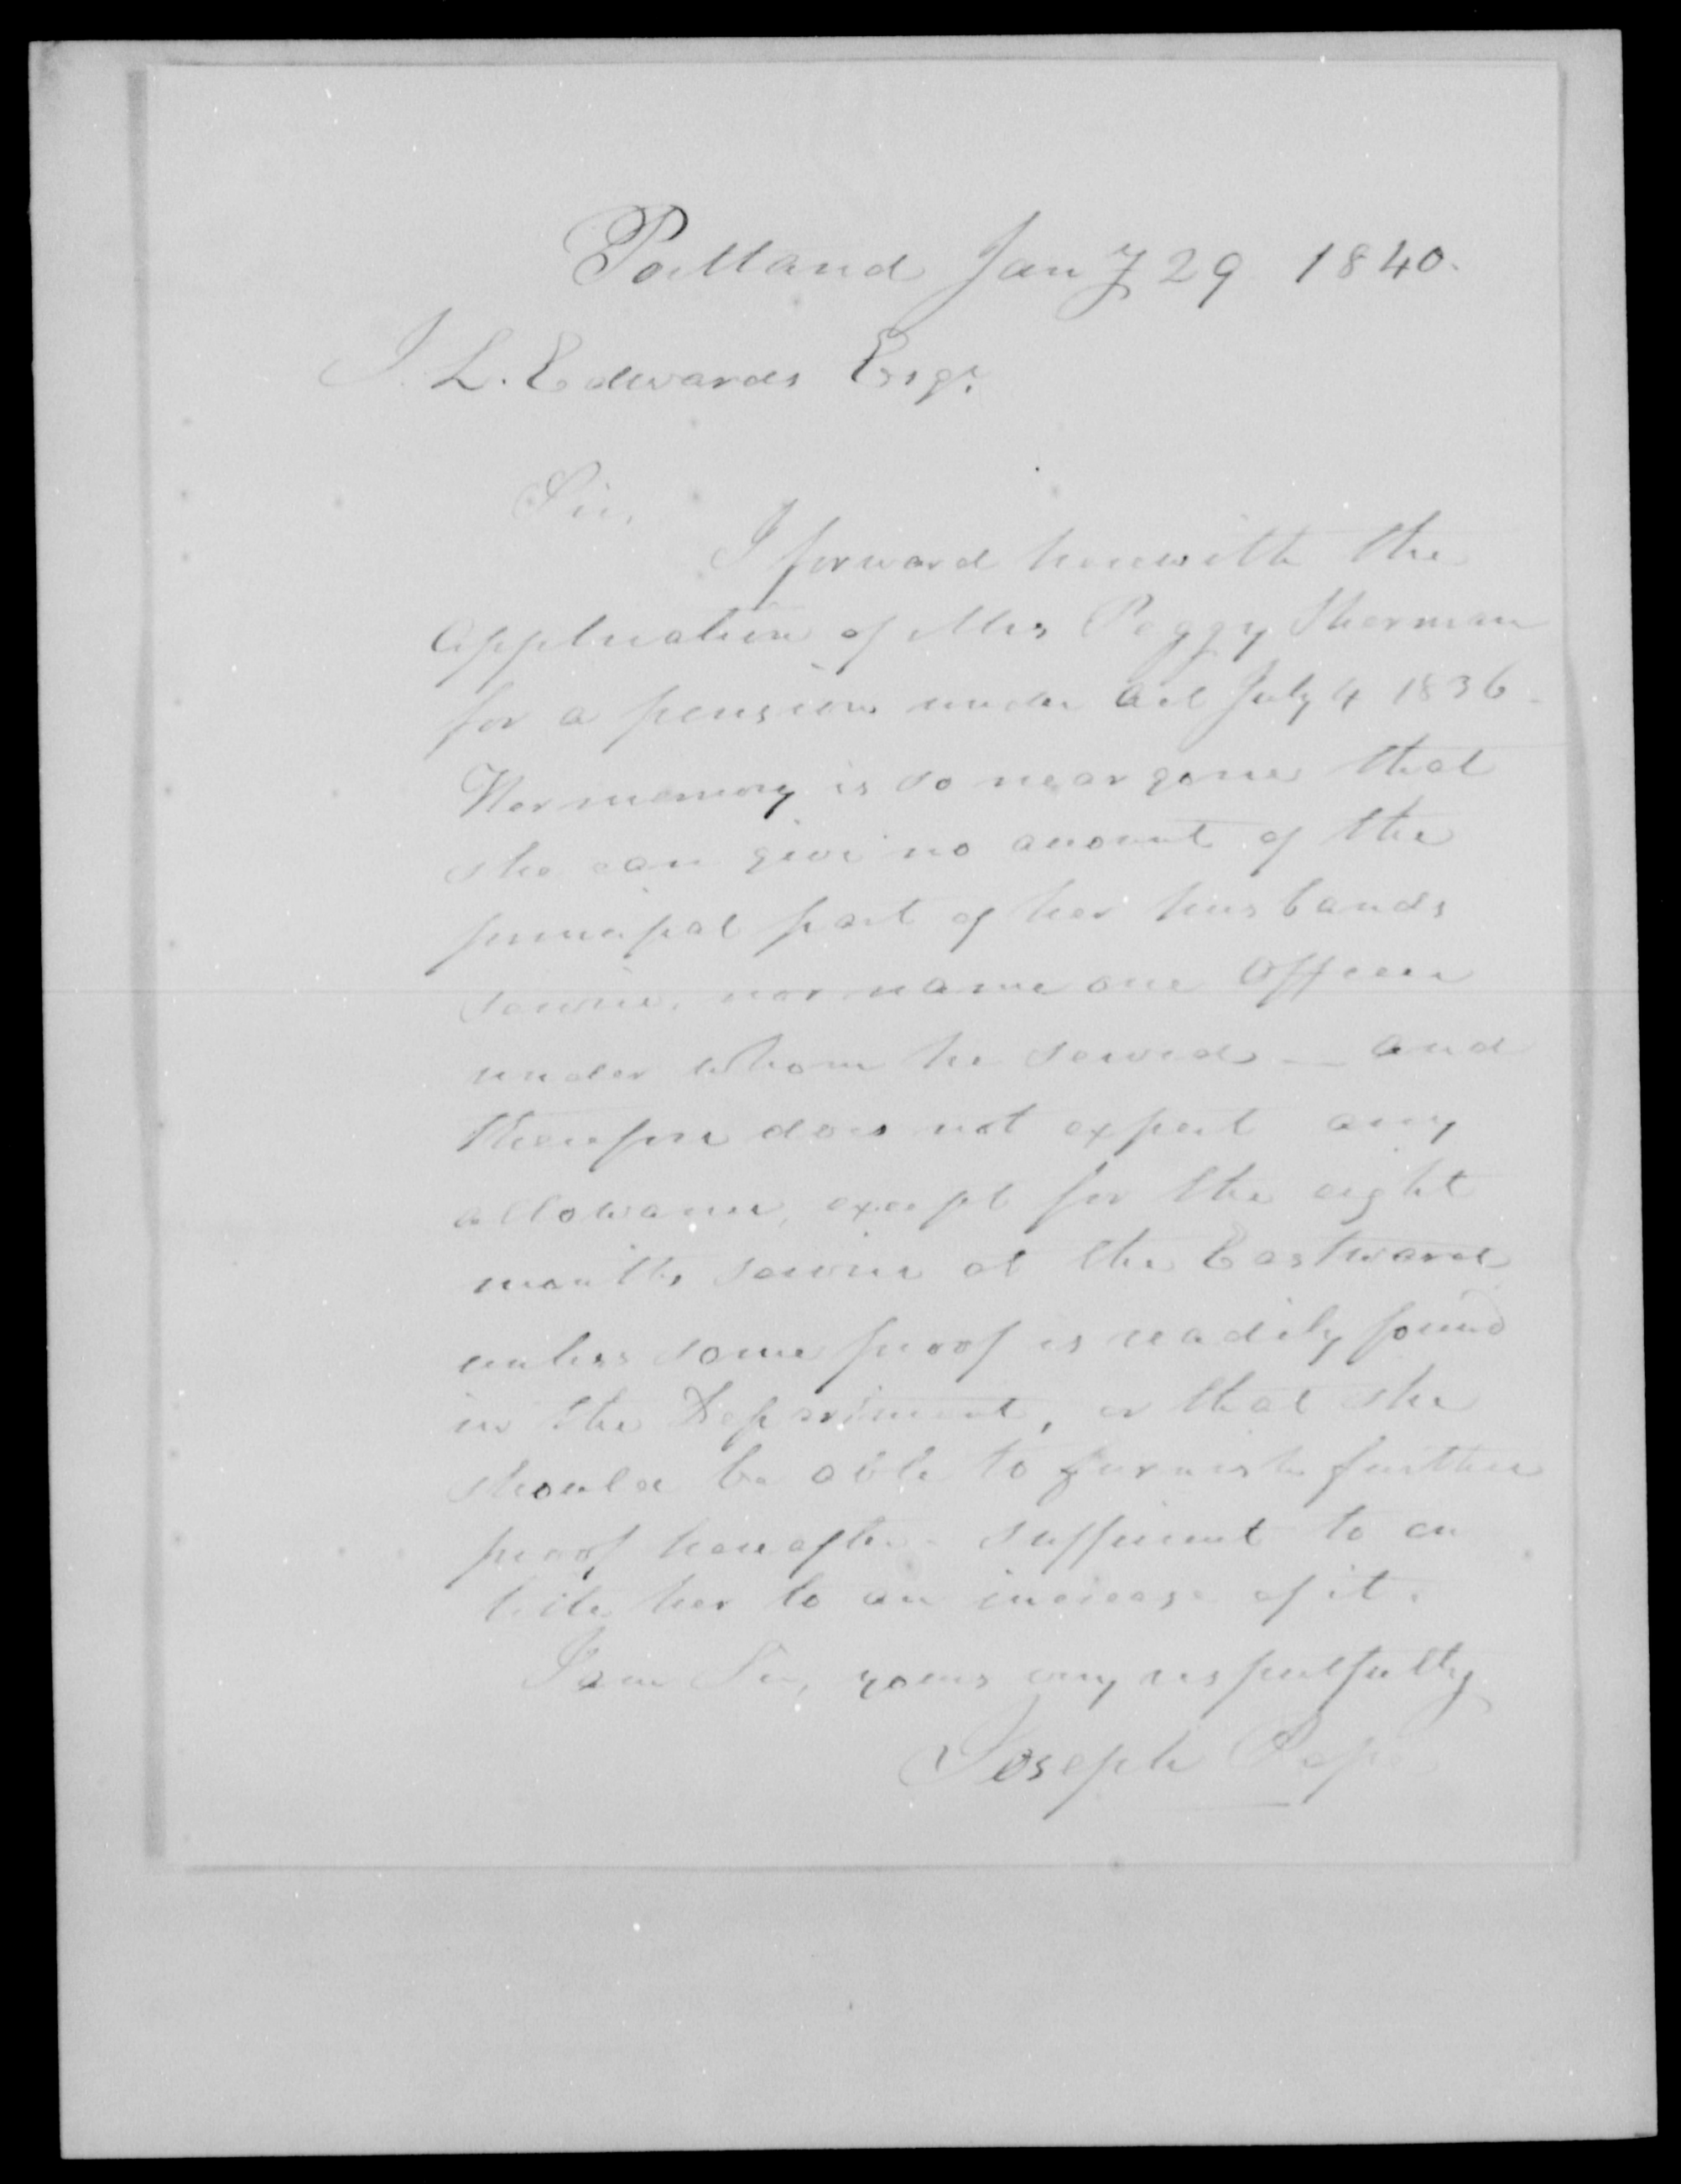[doc is written; contrast enhancement was used to aid transcription]

Portland Jany 29 1840
J.L. Edwards Esqr:
Sir
I forward herewith the
application of Mrs Peggy Sherman
for a pension under act July 4 1836.
Her memory is so far gone that
she can give no account of the
principal part of her husbands
service, nor name of one Officer
under whom he served---and
therefore does not expect any
allowance except for the eight
months service at the Eastward
unless some proof is readily found
in the Department, or that she 
should be able to furnish further
proof hereafter sufficient to en
title her to an increase of it.
I am Sir your very respectfully
Joseph Pope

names: Joseph Pope; Peggy Sherman; J L Edwards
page: 18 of 20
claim: widow's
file: W. 22,200, for James Sherman, Massachusetts